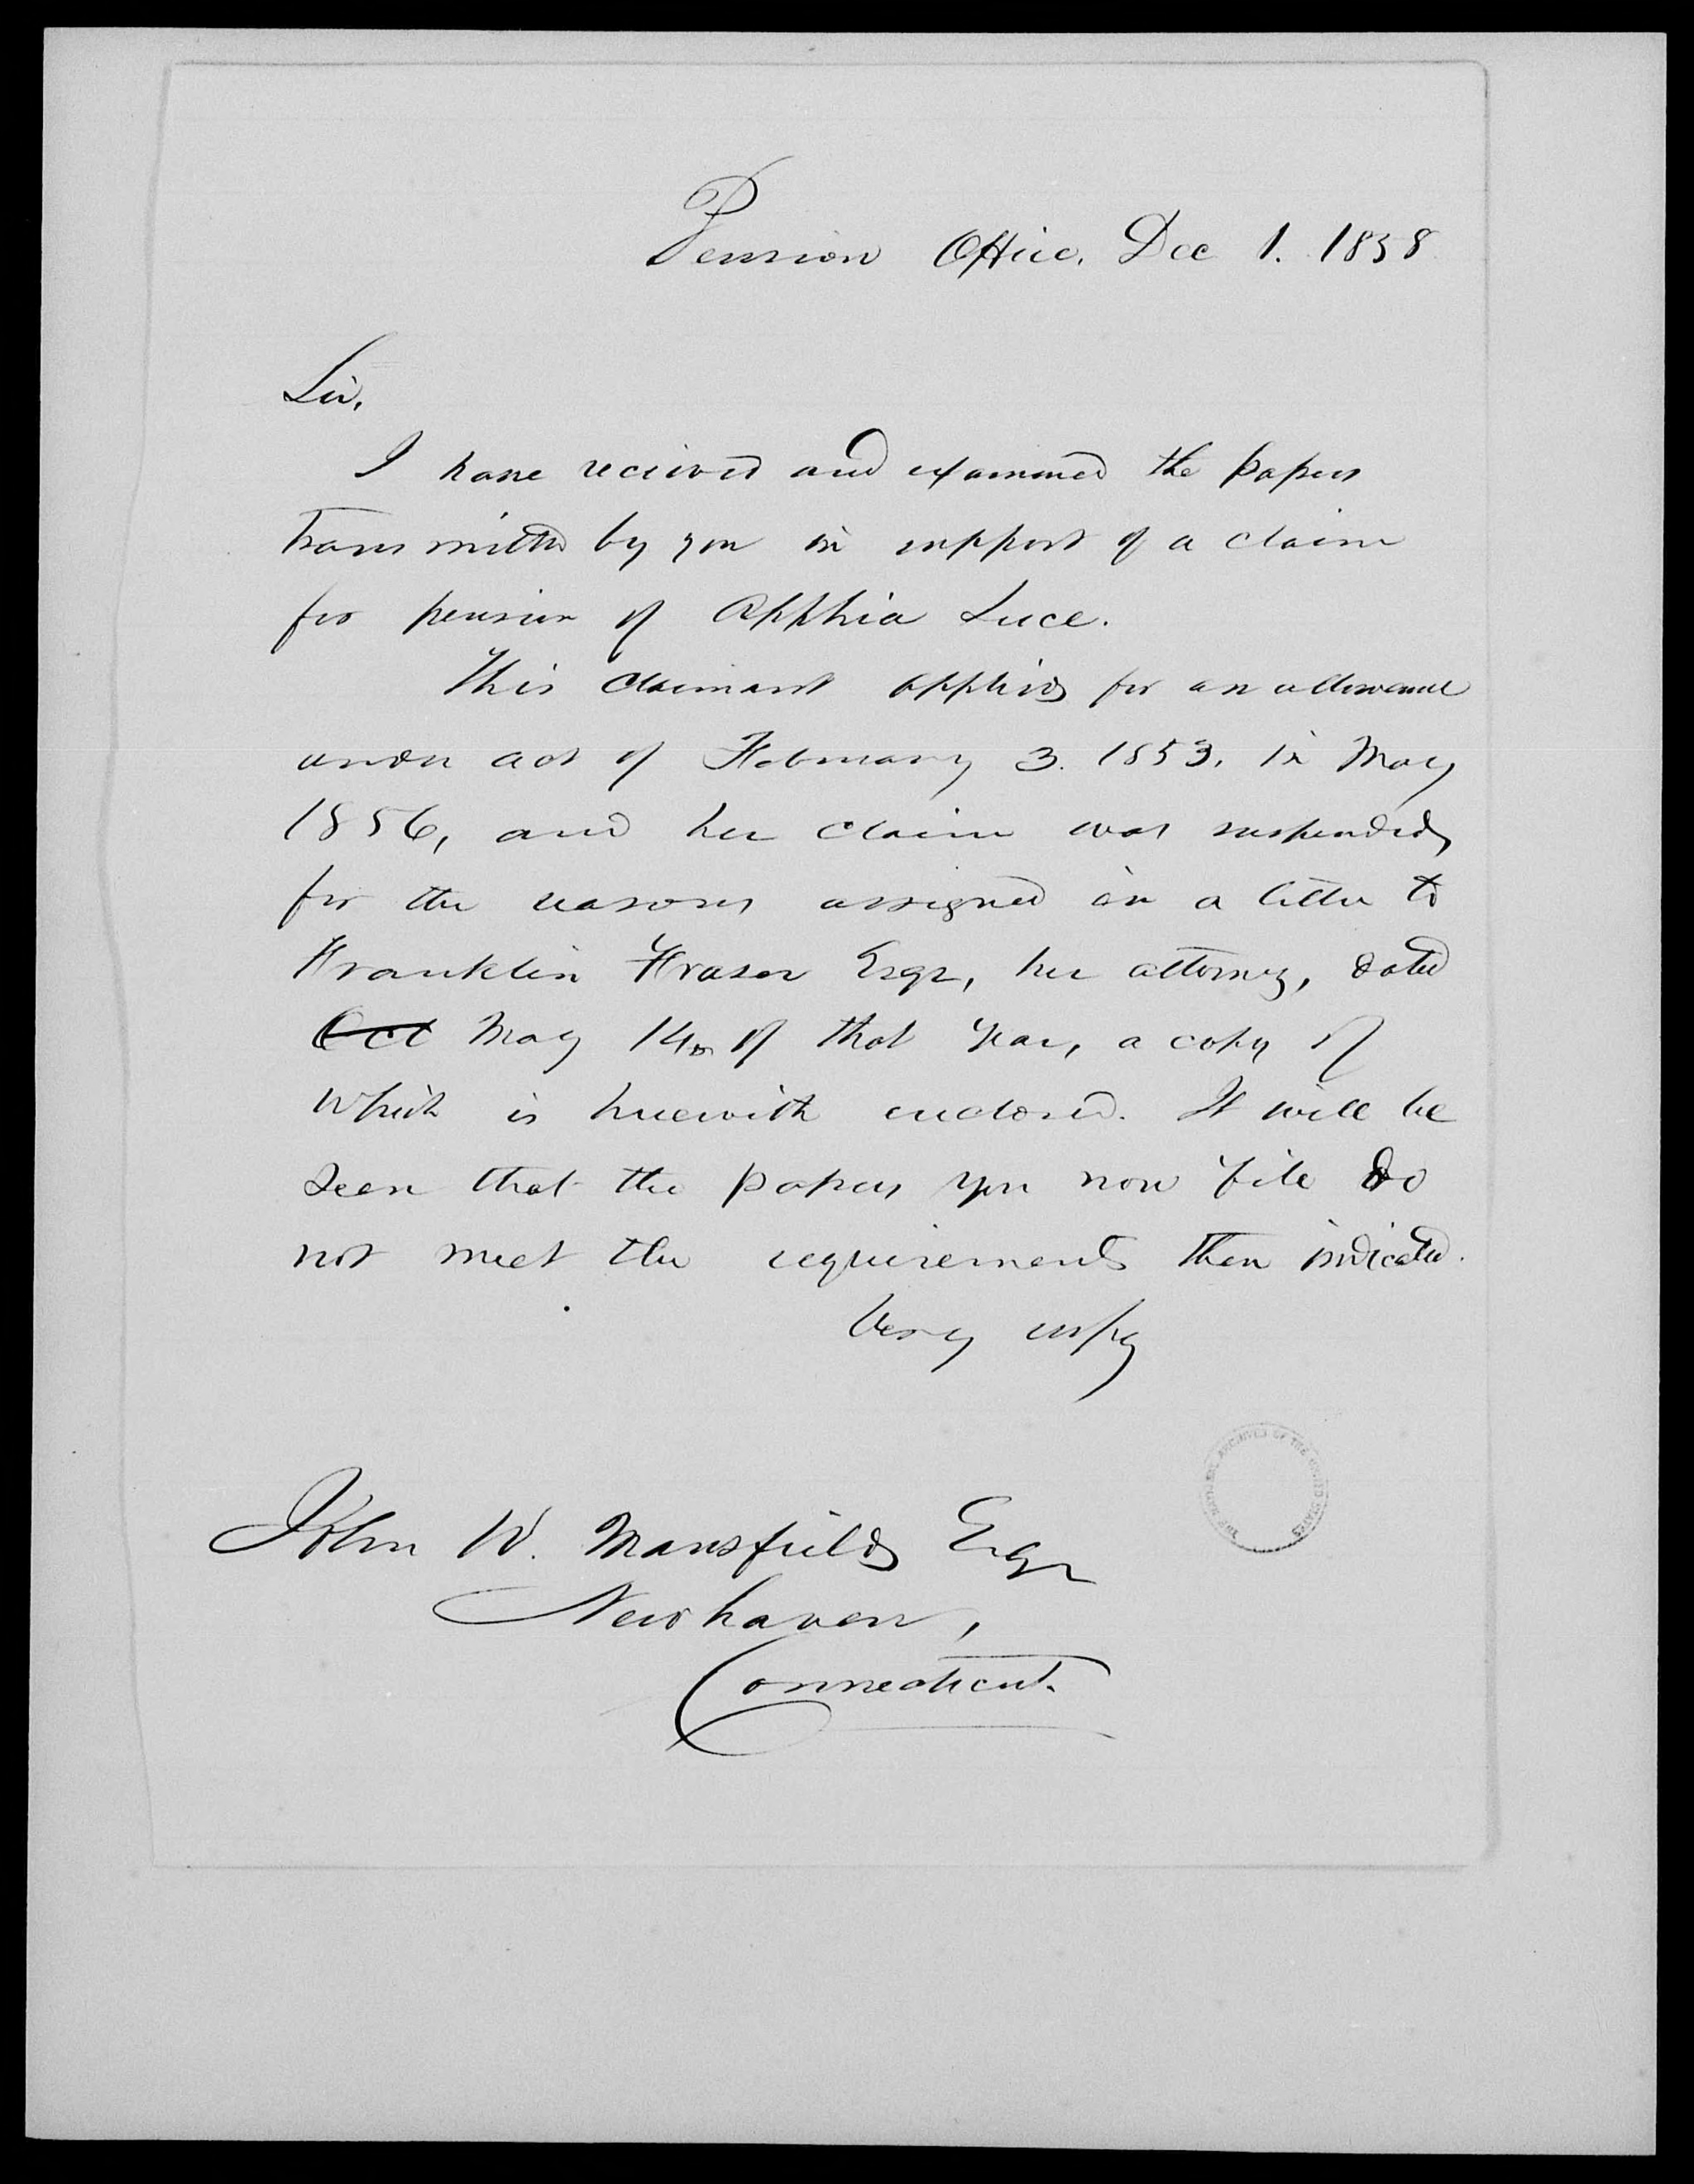Pension Office, Dec 1. 1858

Sir,
I have received and examined the papers transmitted by you in support of a claim for pension of Apphia Luce.

This claimant applied for an allowance under act of February 3, 1853, in May 1856, and her claim was suspended for the reasons assigned in a letter to Franklin Fraser Esq, her attorney, dated May 14th of that year, a copy of which is herewith enclosed.  It will be seen that the papers you now file do not meet the requirements then indicated.

Very truly

John W. Mansfield Esq
New Haven
Connecticut.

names: Franklin Fraser; Apphia Luce; John W Mansfield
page: 30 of 70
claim: rejected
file: R. 6510, for Israel Luce, New York